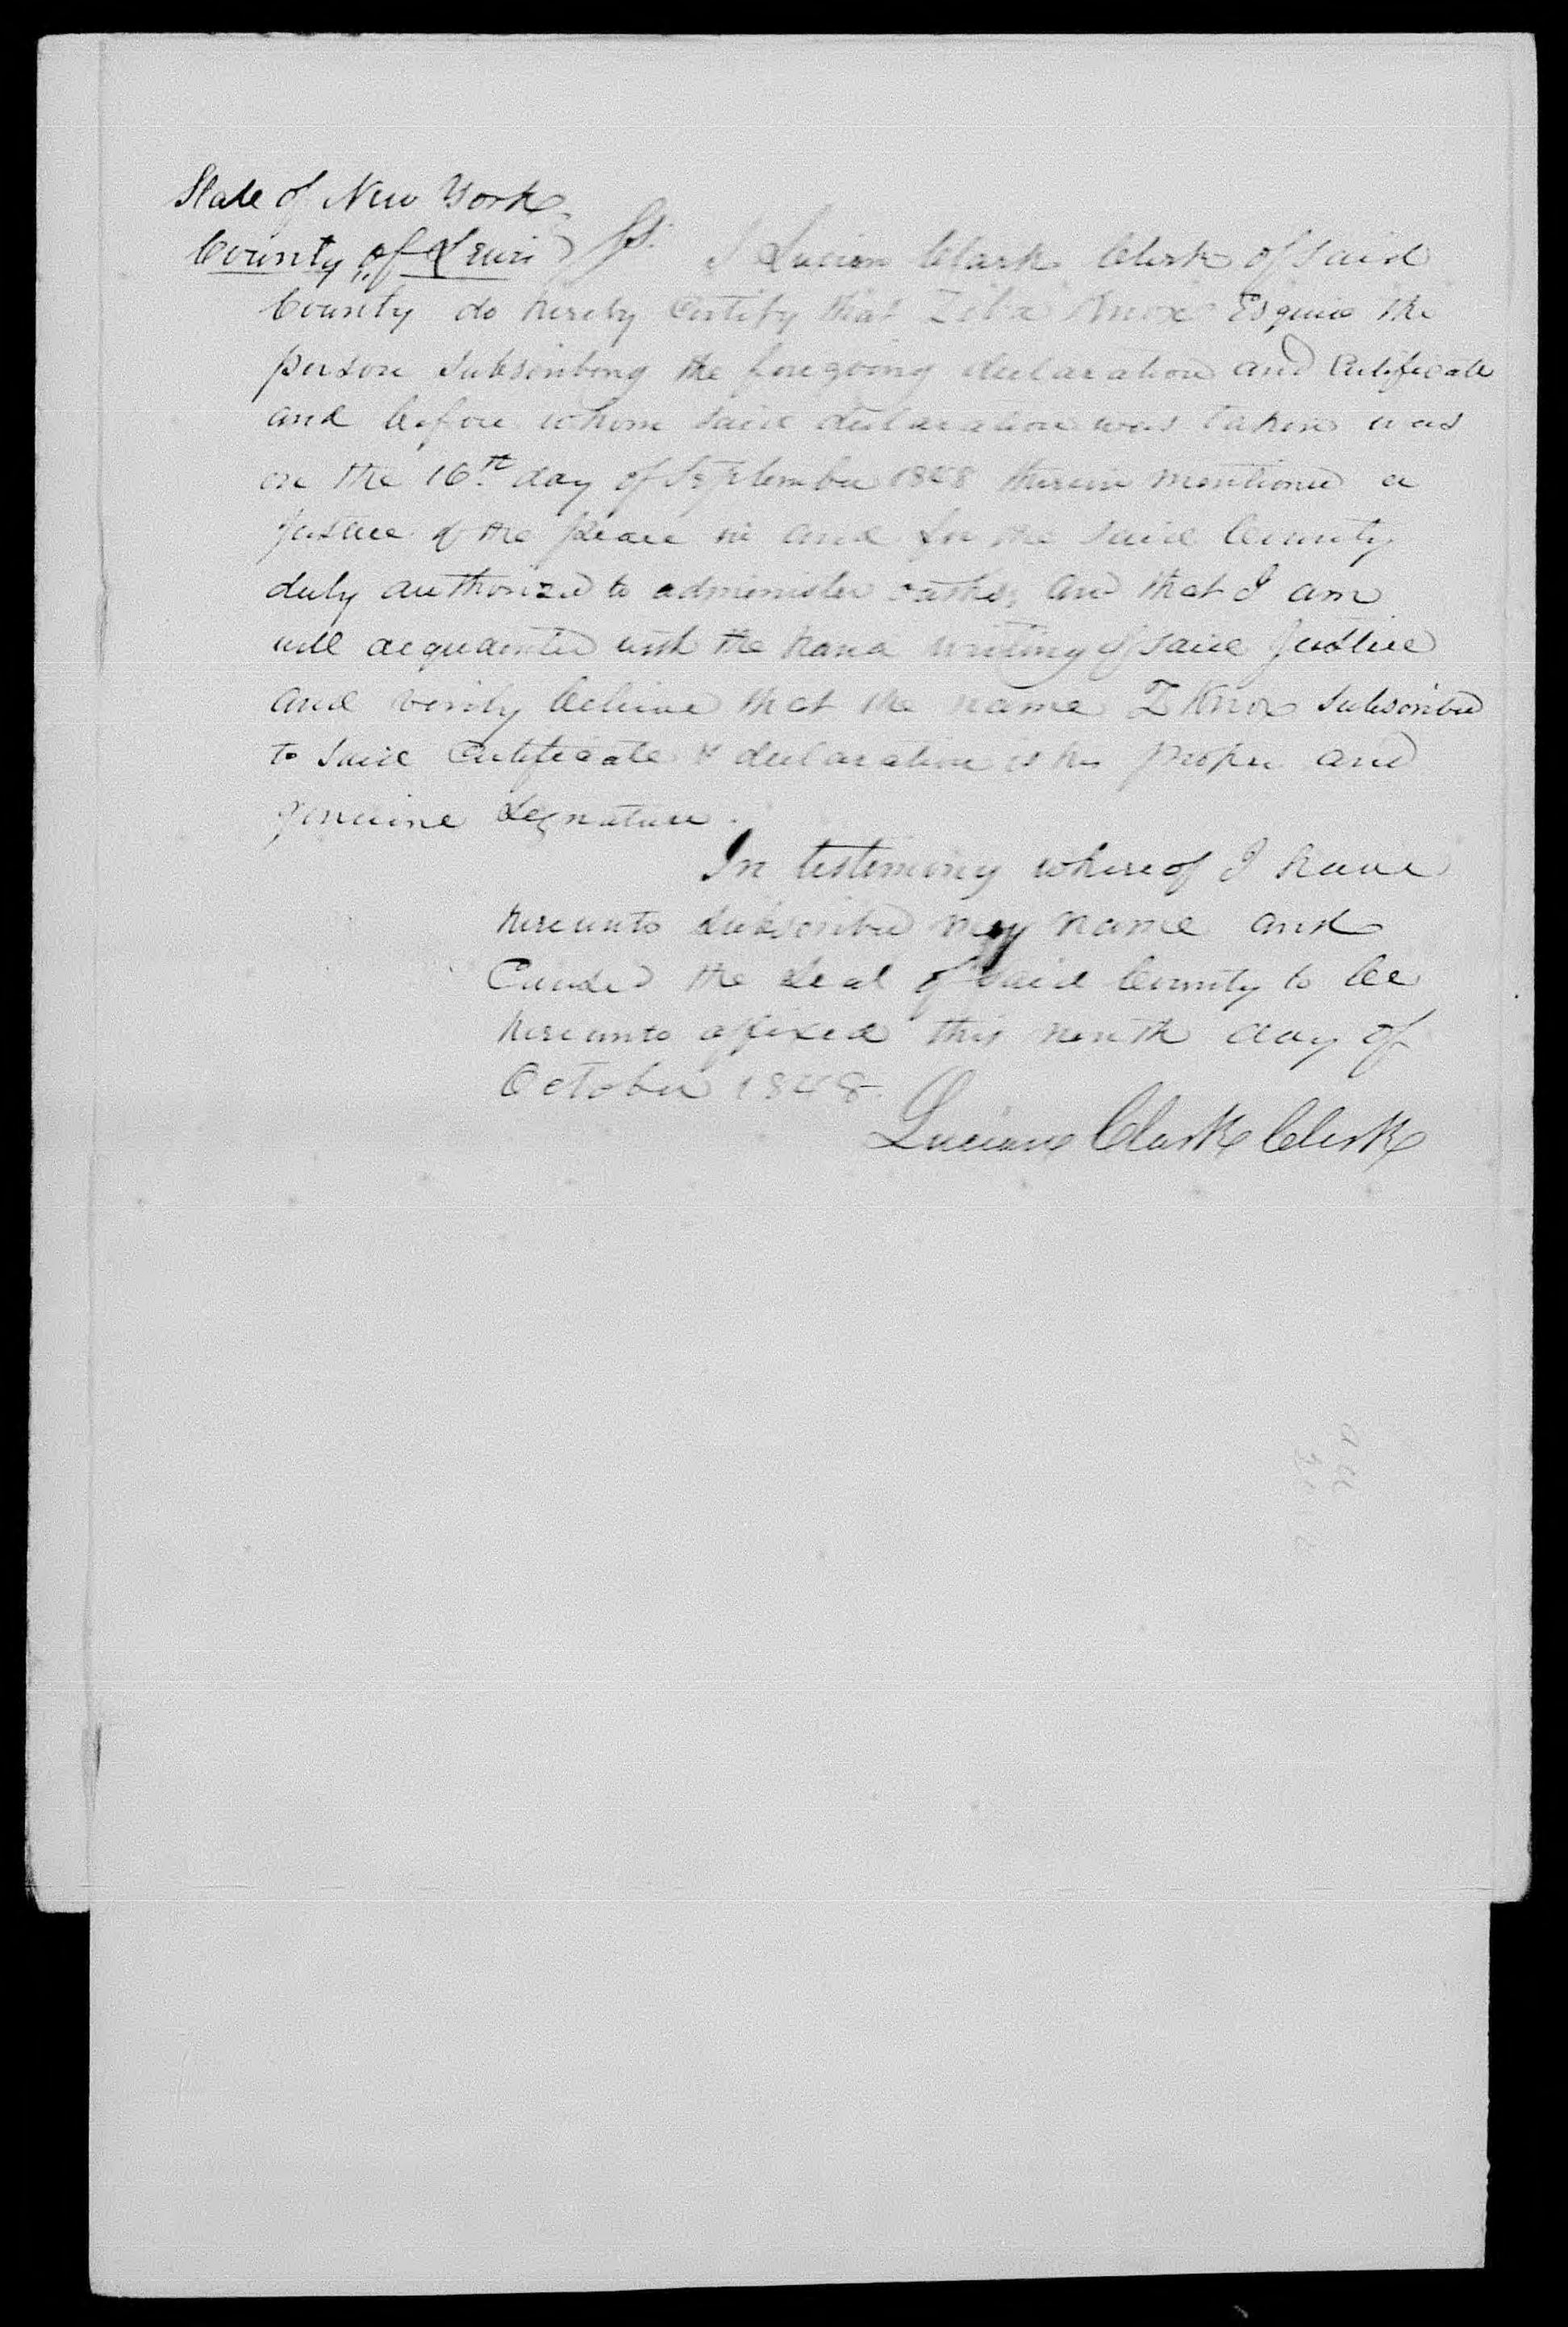State of New York
County of Lewis Ss.
I Lucian Clark, Clerk of said county do hereby certify that Ziba Knox Esquire the person subscribing the foregoing declaration and certificate and before whom said declaration was taken word on the 16th day of September 1848 therein mentioned a Justice of the Peace in and for the said County duly authorized to administer oaths, and that I am well acquainted with the hand writing of said Justice and verily believe that the name Z. Knox subscribed to said certificate & declaration is his proper and genuine signature.
In testimony whereof I have hereunto subscribed my name and under the Seal of said County to be hereunto affixed this ninth day of October 1848.
Lucian Clark Clerk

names: Lucian Clark, Lucian Clark, Ziba Knox, Z Knox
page: 43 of 46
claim: widow's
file: W. 23022, Thomas Farr, N.H.